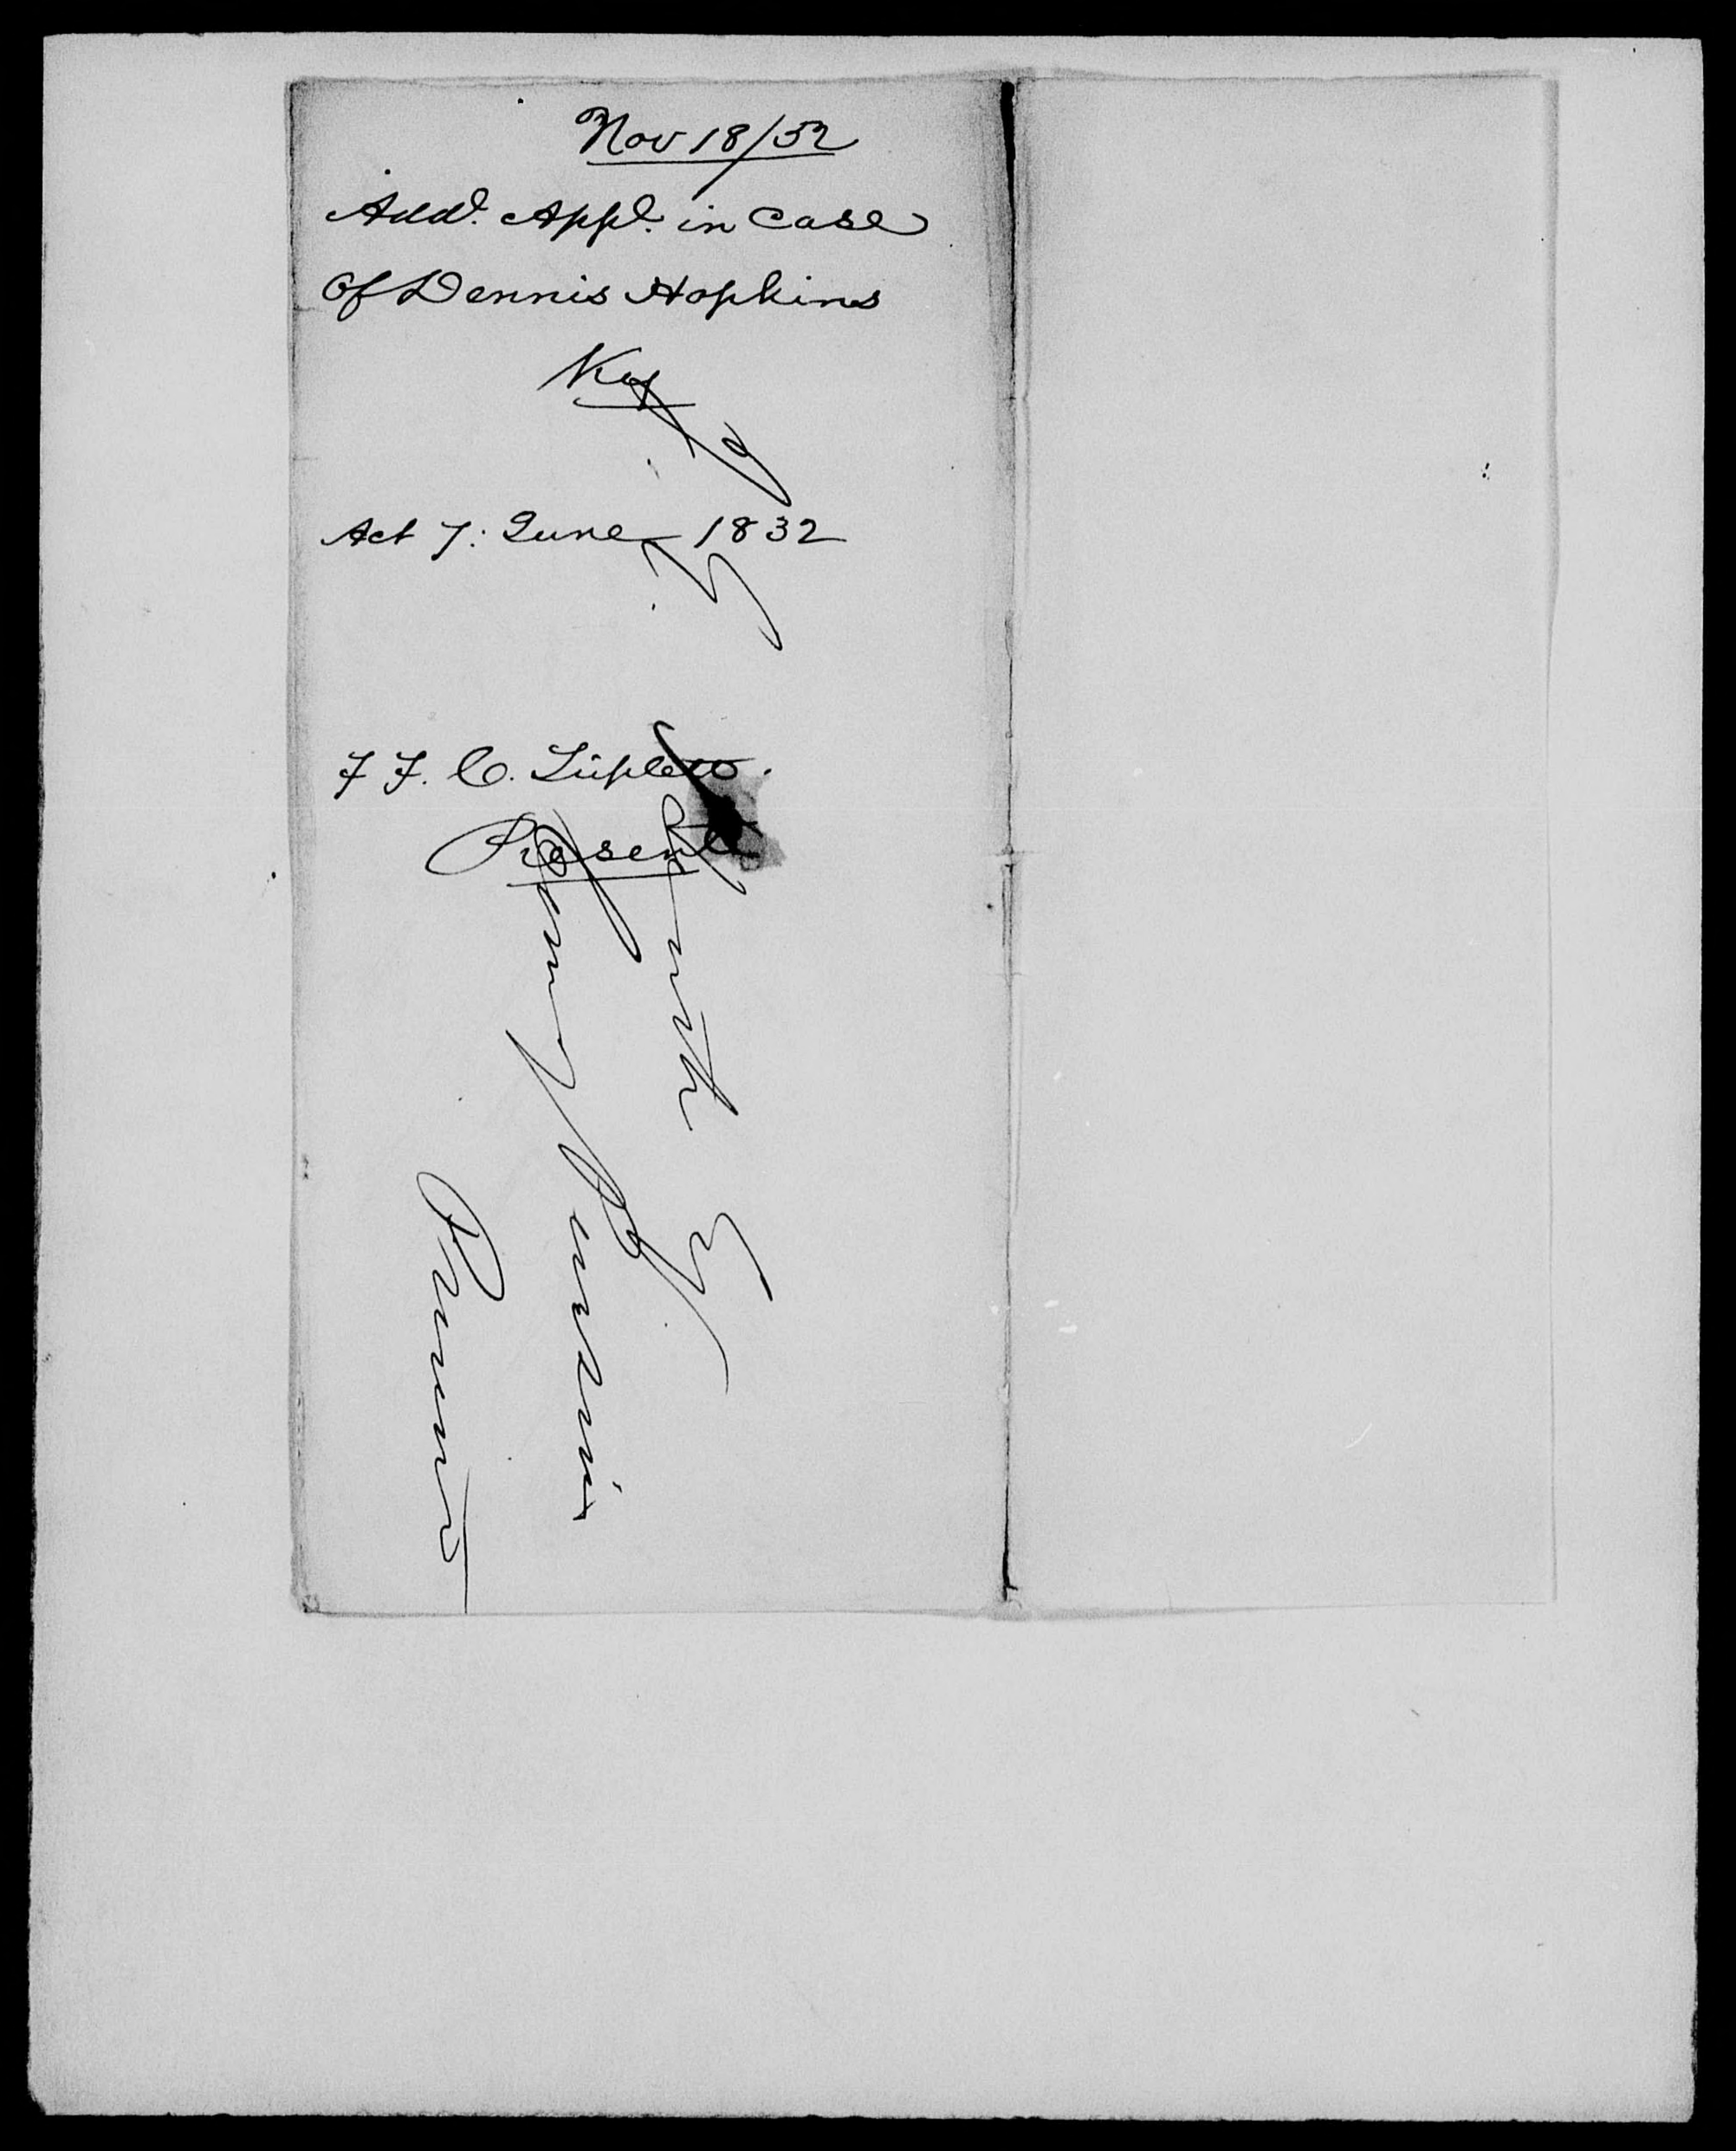Nov 18/52
Add Appl. in case
of Dennis Hopkins
Ky

Act 7. June 1832
F.F.C. Triplett
Present

J.E. Heath Esq
Com of Pensions
Pensions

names: F F C Triplett, J E Heath, Dennis Hopkins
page: 42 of 144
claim: rejected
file: R. 5208, Dennis Hopkins, N.C.